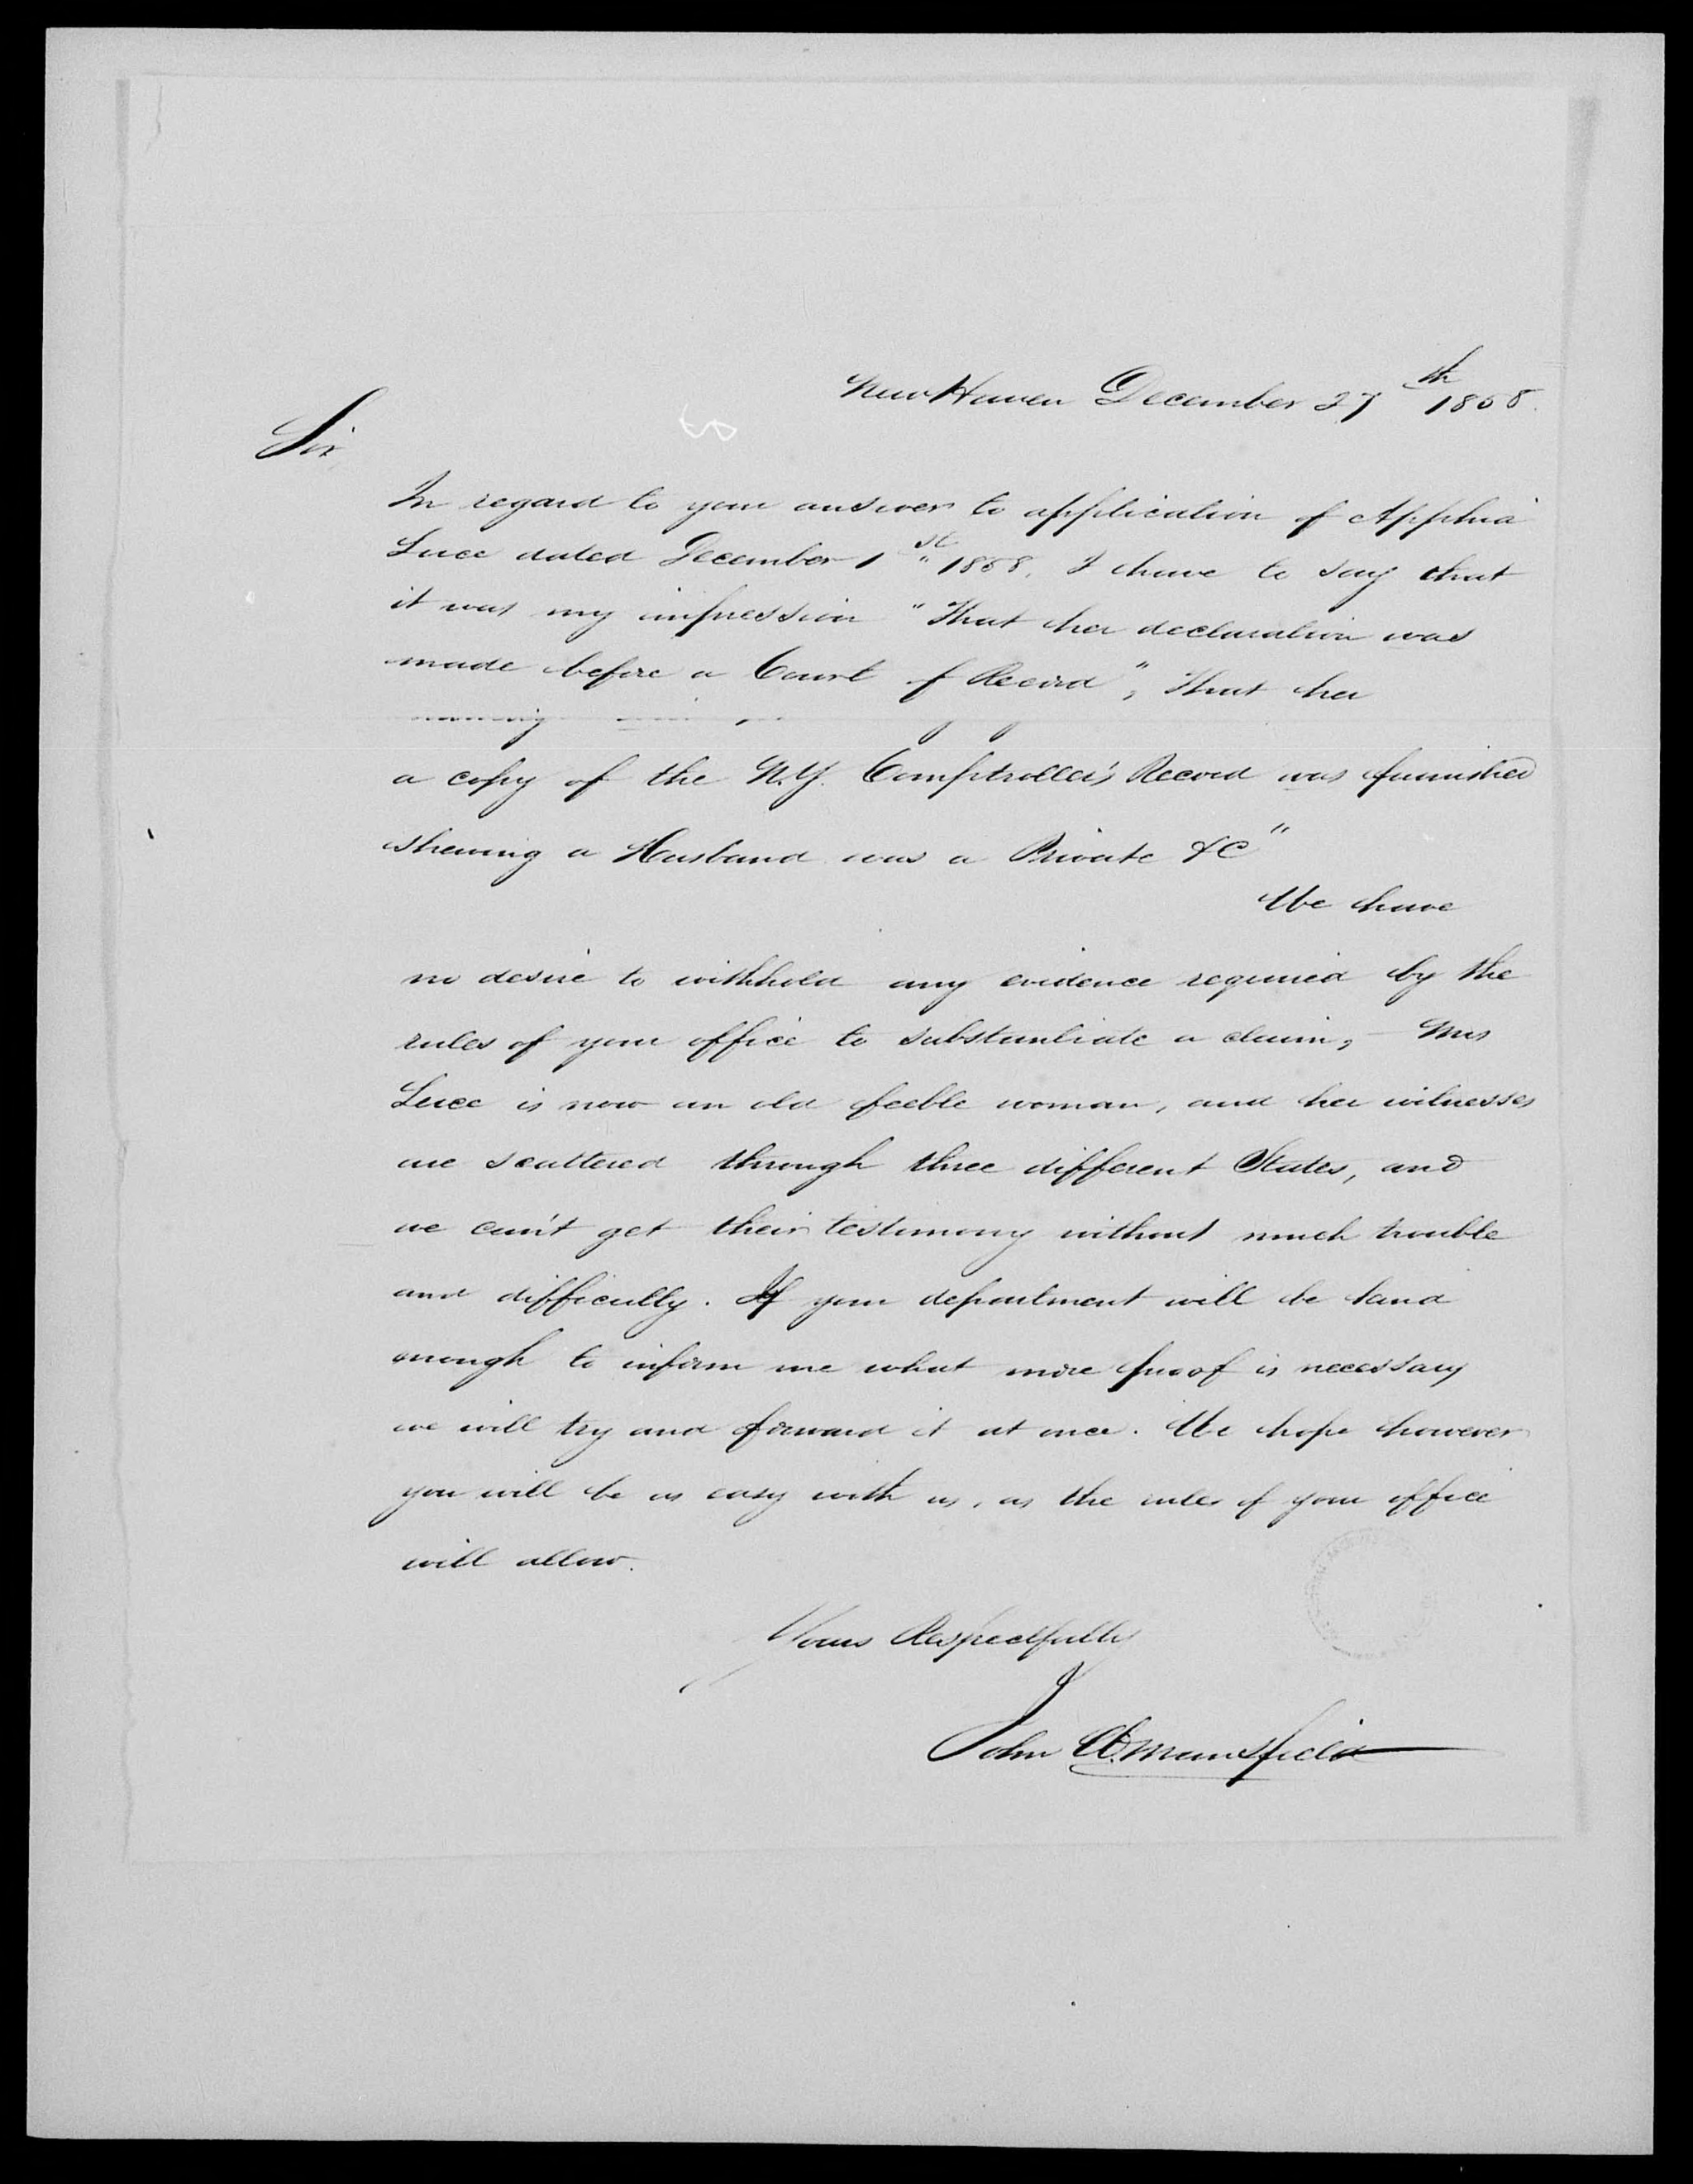New Haven December 27th 1858

Sir

In regard to your endeavor to application of Apphia Luce date December 1st 1858, I have to say that it was my impression "That her declaration was made before a Court of Record", that her 

[paper folded, illegible line]

a copy of the N.Y. Comptroller's Record was furnished showing a husband was a Private &c"

We have no desire to withhold any evidence required by the rules of your office to substantiate a claim, Mrs Luce is now an old feeble woman, and her witnesses are scattered through three different State, and we can't get their testimony without much trouble and difficulty.  If your department will be kind enough to inform me what more proof is necessary we will try and forward it at once.  We hope however,  you will be as easy with us, as the rules of your office will allow.

Yours Respectfully
John W. Mansfield

[stamped] THE NATIONAL ARCHIVES OF THE UNITED STATES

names: John W Mansfield; Apphia Luce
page: 28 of 70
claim: rejected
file: R. 6510, for Israel Luce, New York